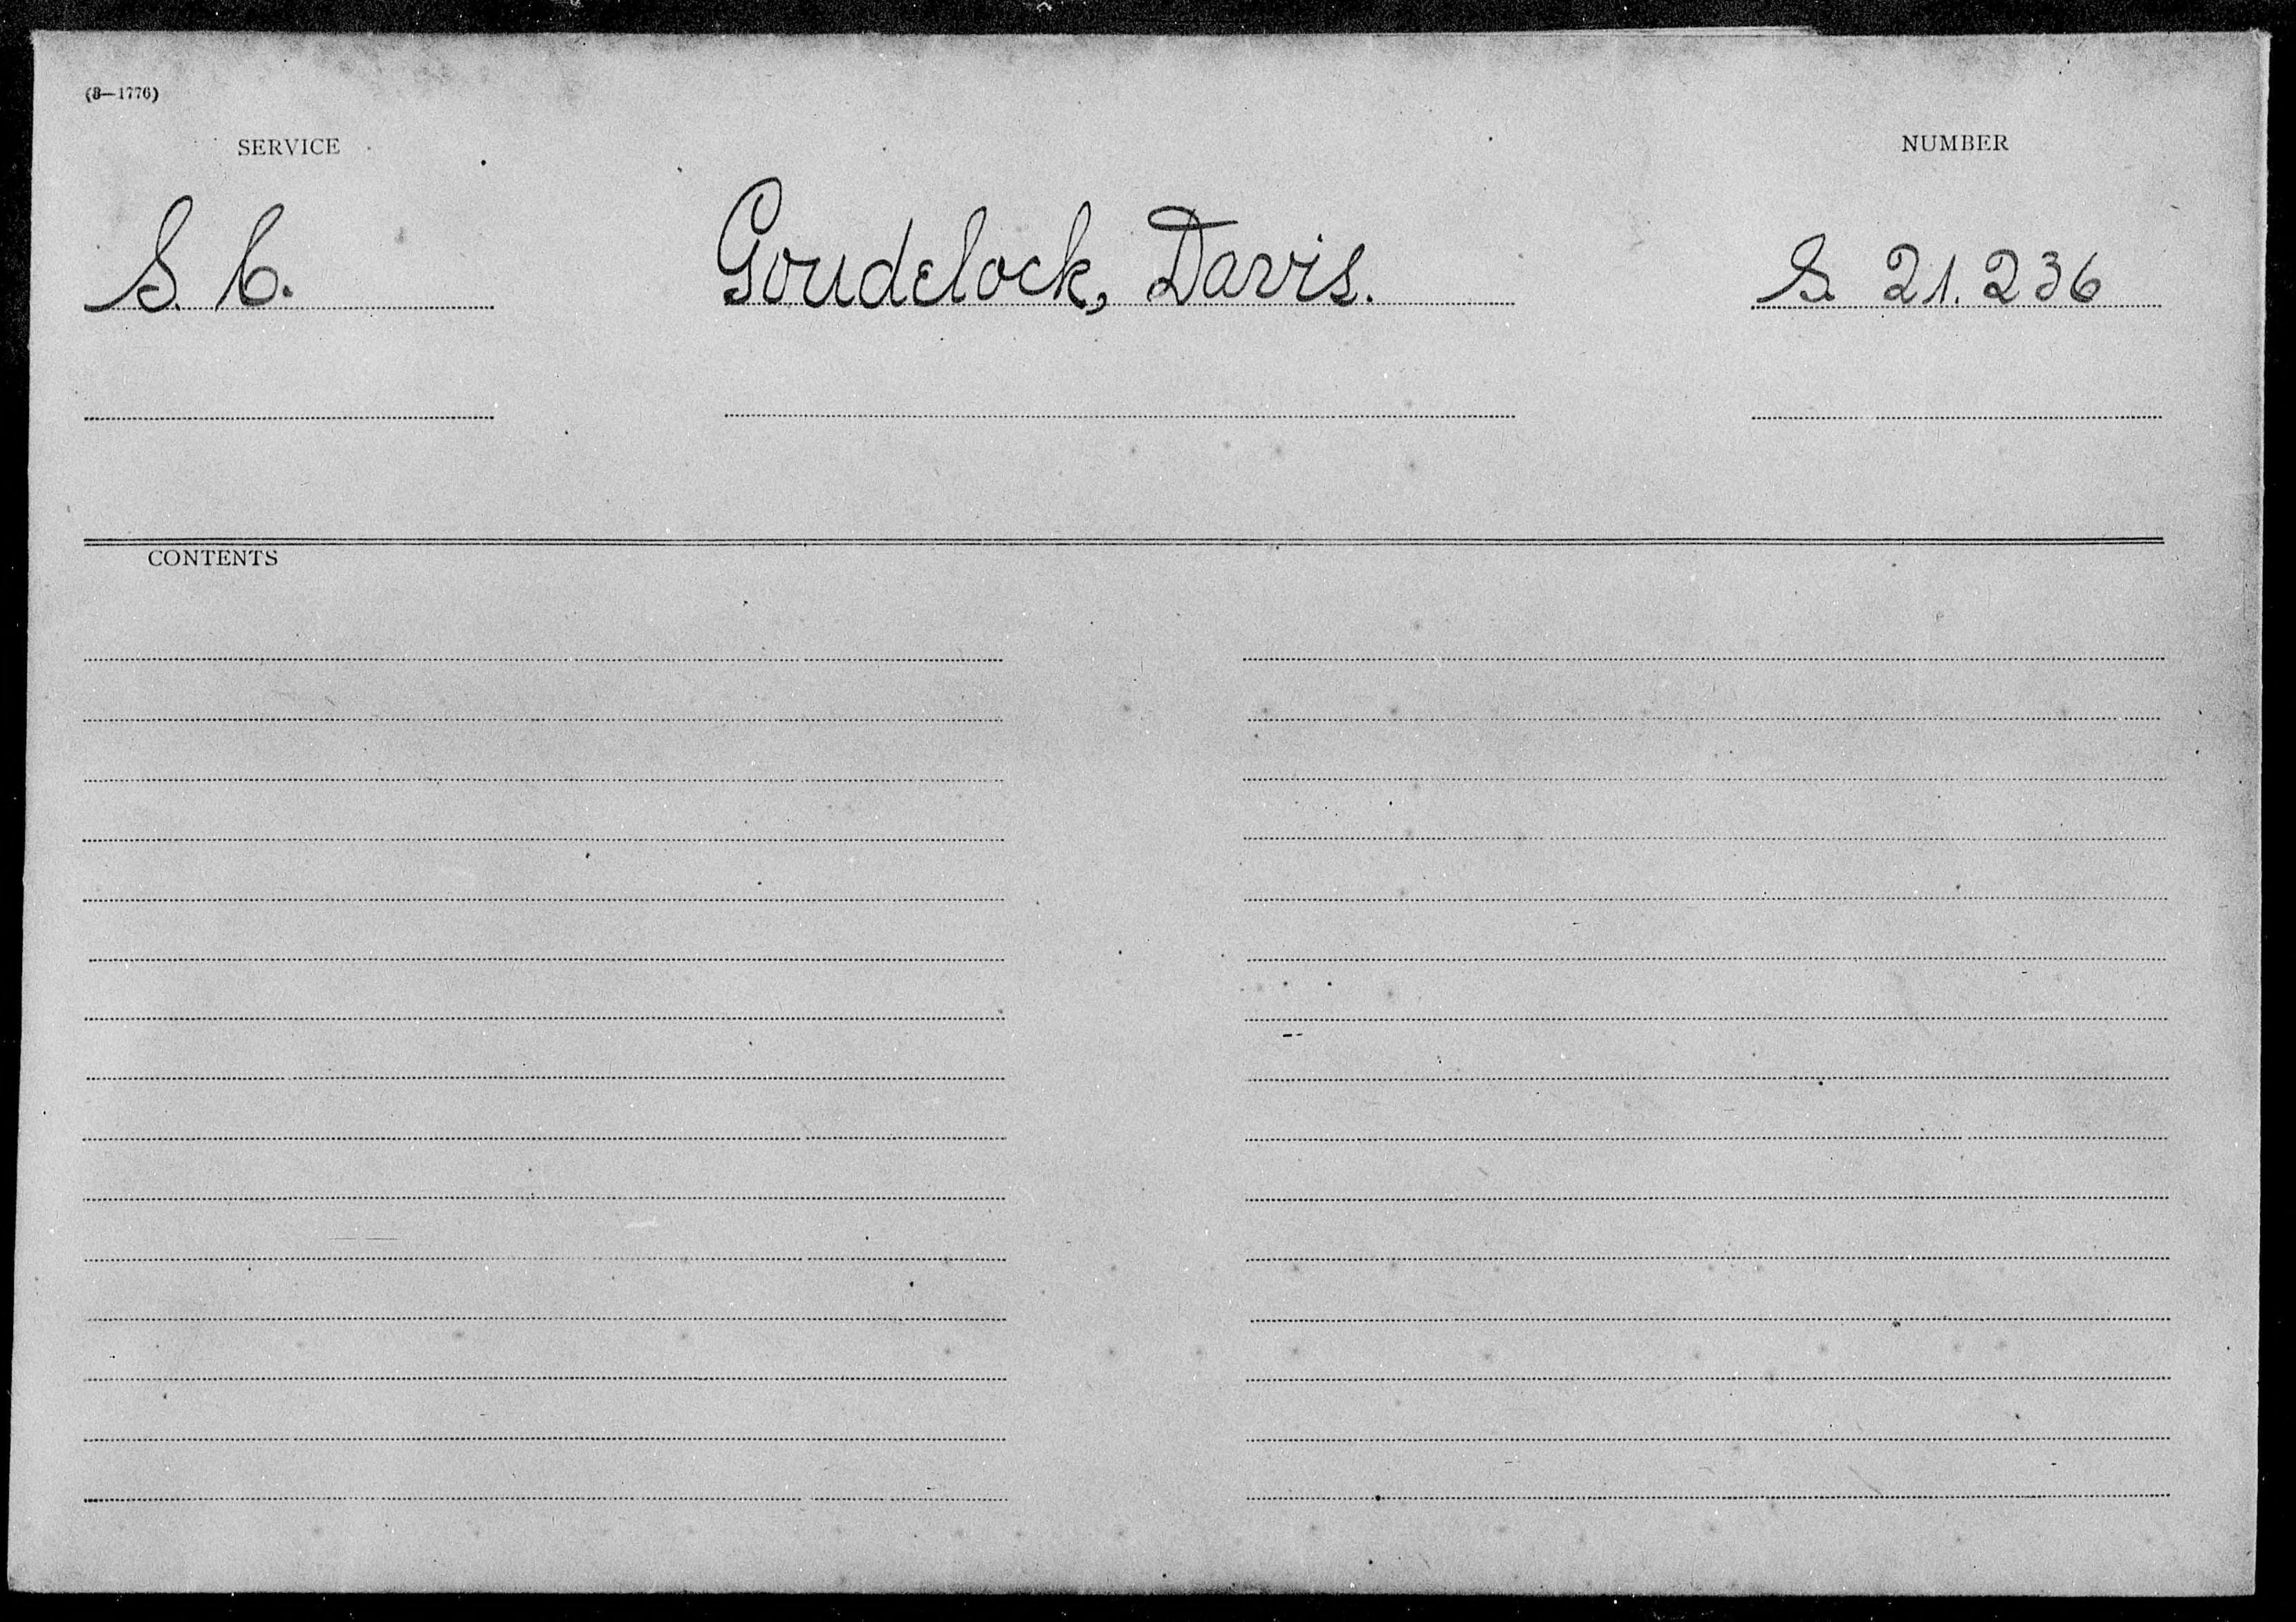(3-1776)
SERVICE |  | NUMBER
S.C. | Goudelock, Davis | S. 21.236
CONTENTS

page: 1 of 18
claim: survivor's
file: S. 21,236, Davis Goudelock, S.C.